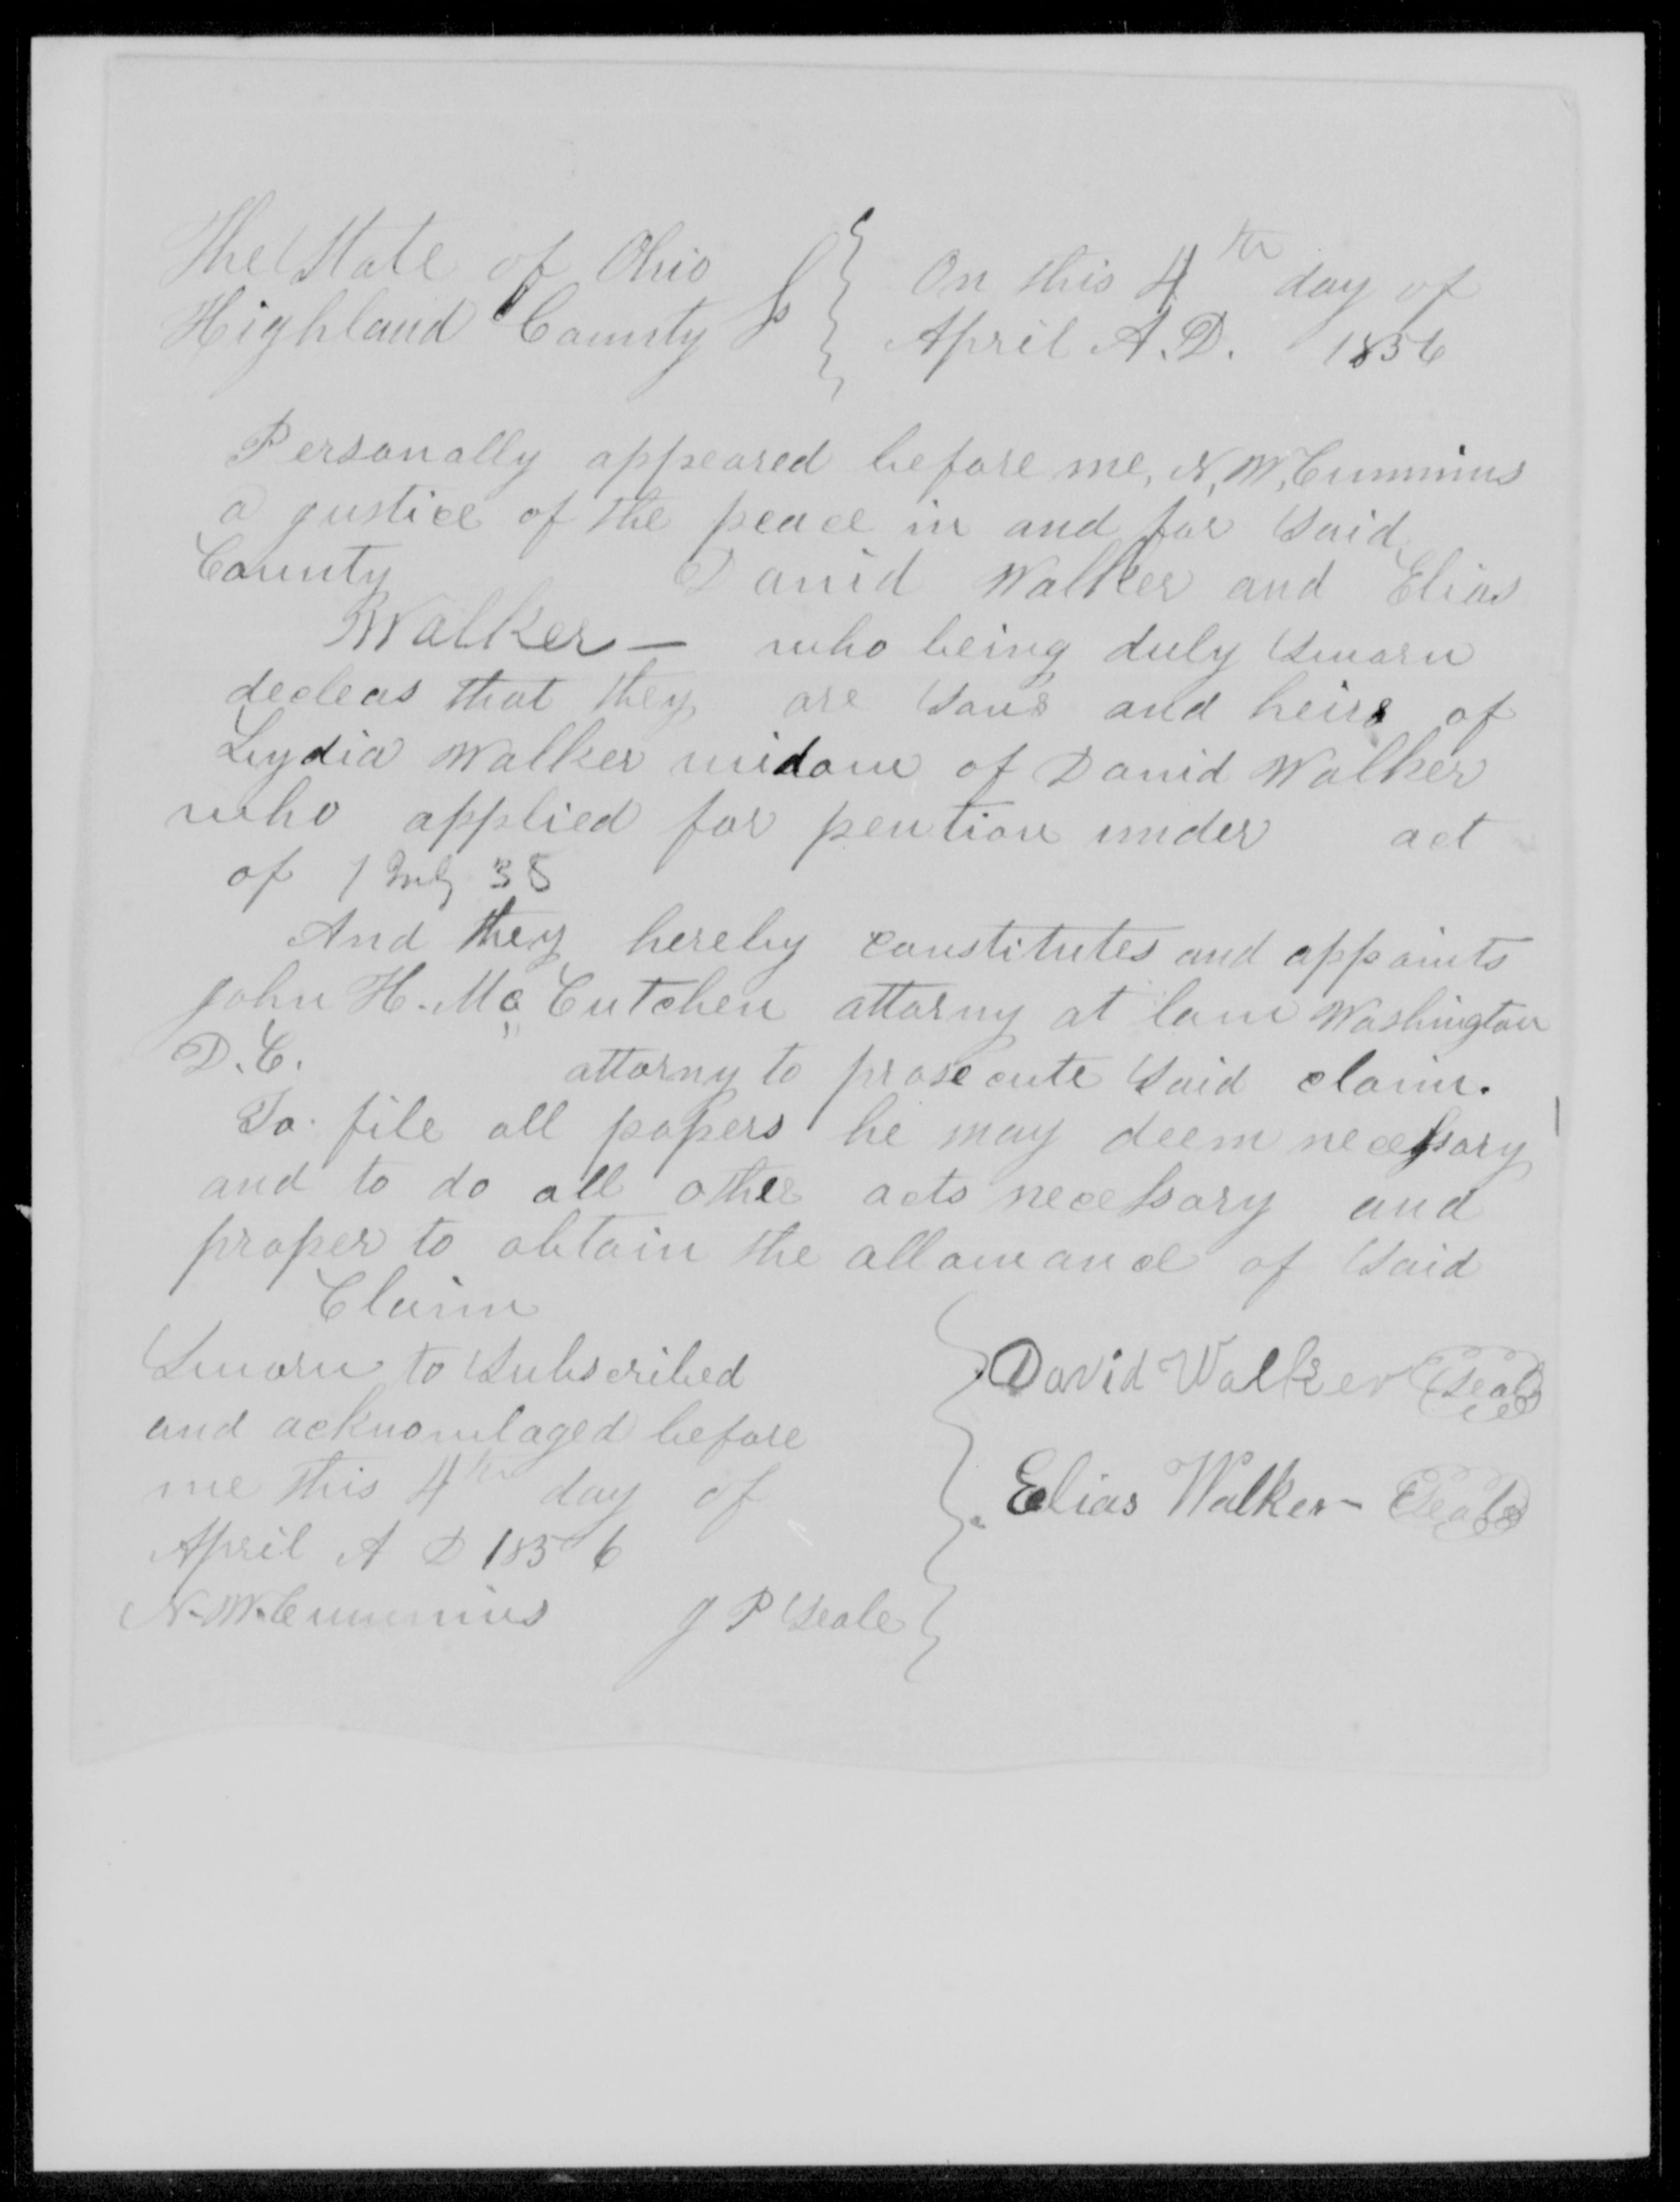The State of Ohio
Highland County
On this 4th day of April A.D. 1856 personally appeared before me, N. W. Cummins, a Justice of the Peace in and for said County and David Walker and Elias Walker who being duly sworn declare that they are sons and heirs of Lydia Walker widow of David Walker, who applied for pension under Act of 7 July 1838.
And they hereby constitute and appoint John H. McCutchen Attorney at Law Washington D.C. Attorney to prosecute said claim.
To file all papers he may deem necessary and to do all other acts necessary and proper to obtain the allowance of said Claim.
David Walker
Elias Walker

Sworn to and subscribed before me this 4th April 1856.
N. W. Cummins, Justice of the Peace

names: David Walker, N W Cummins, John H Mc Cutchen, Elias Walker, David Walker, David Walker, N W Cummins, Lydia Walker, Elias Walker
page: 2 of 37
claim: rejected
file: R. 11047, David Walker, N.C.